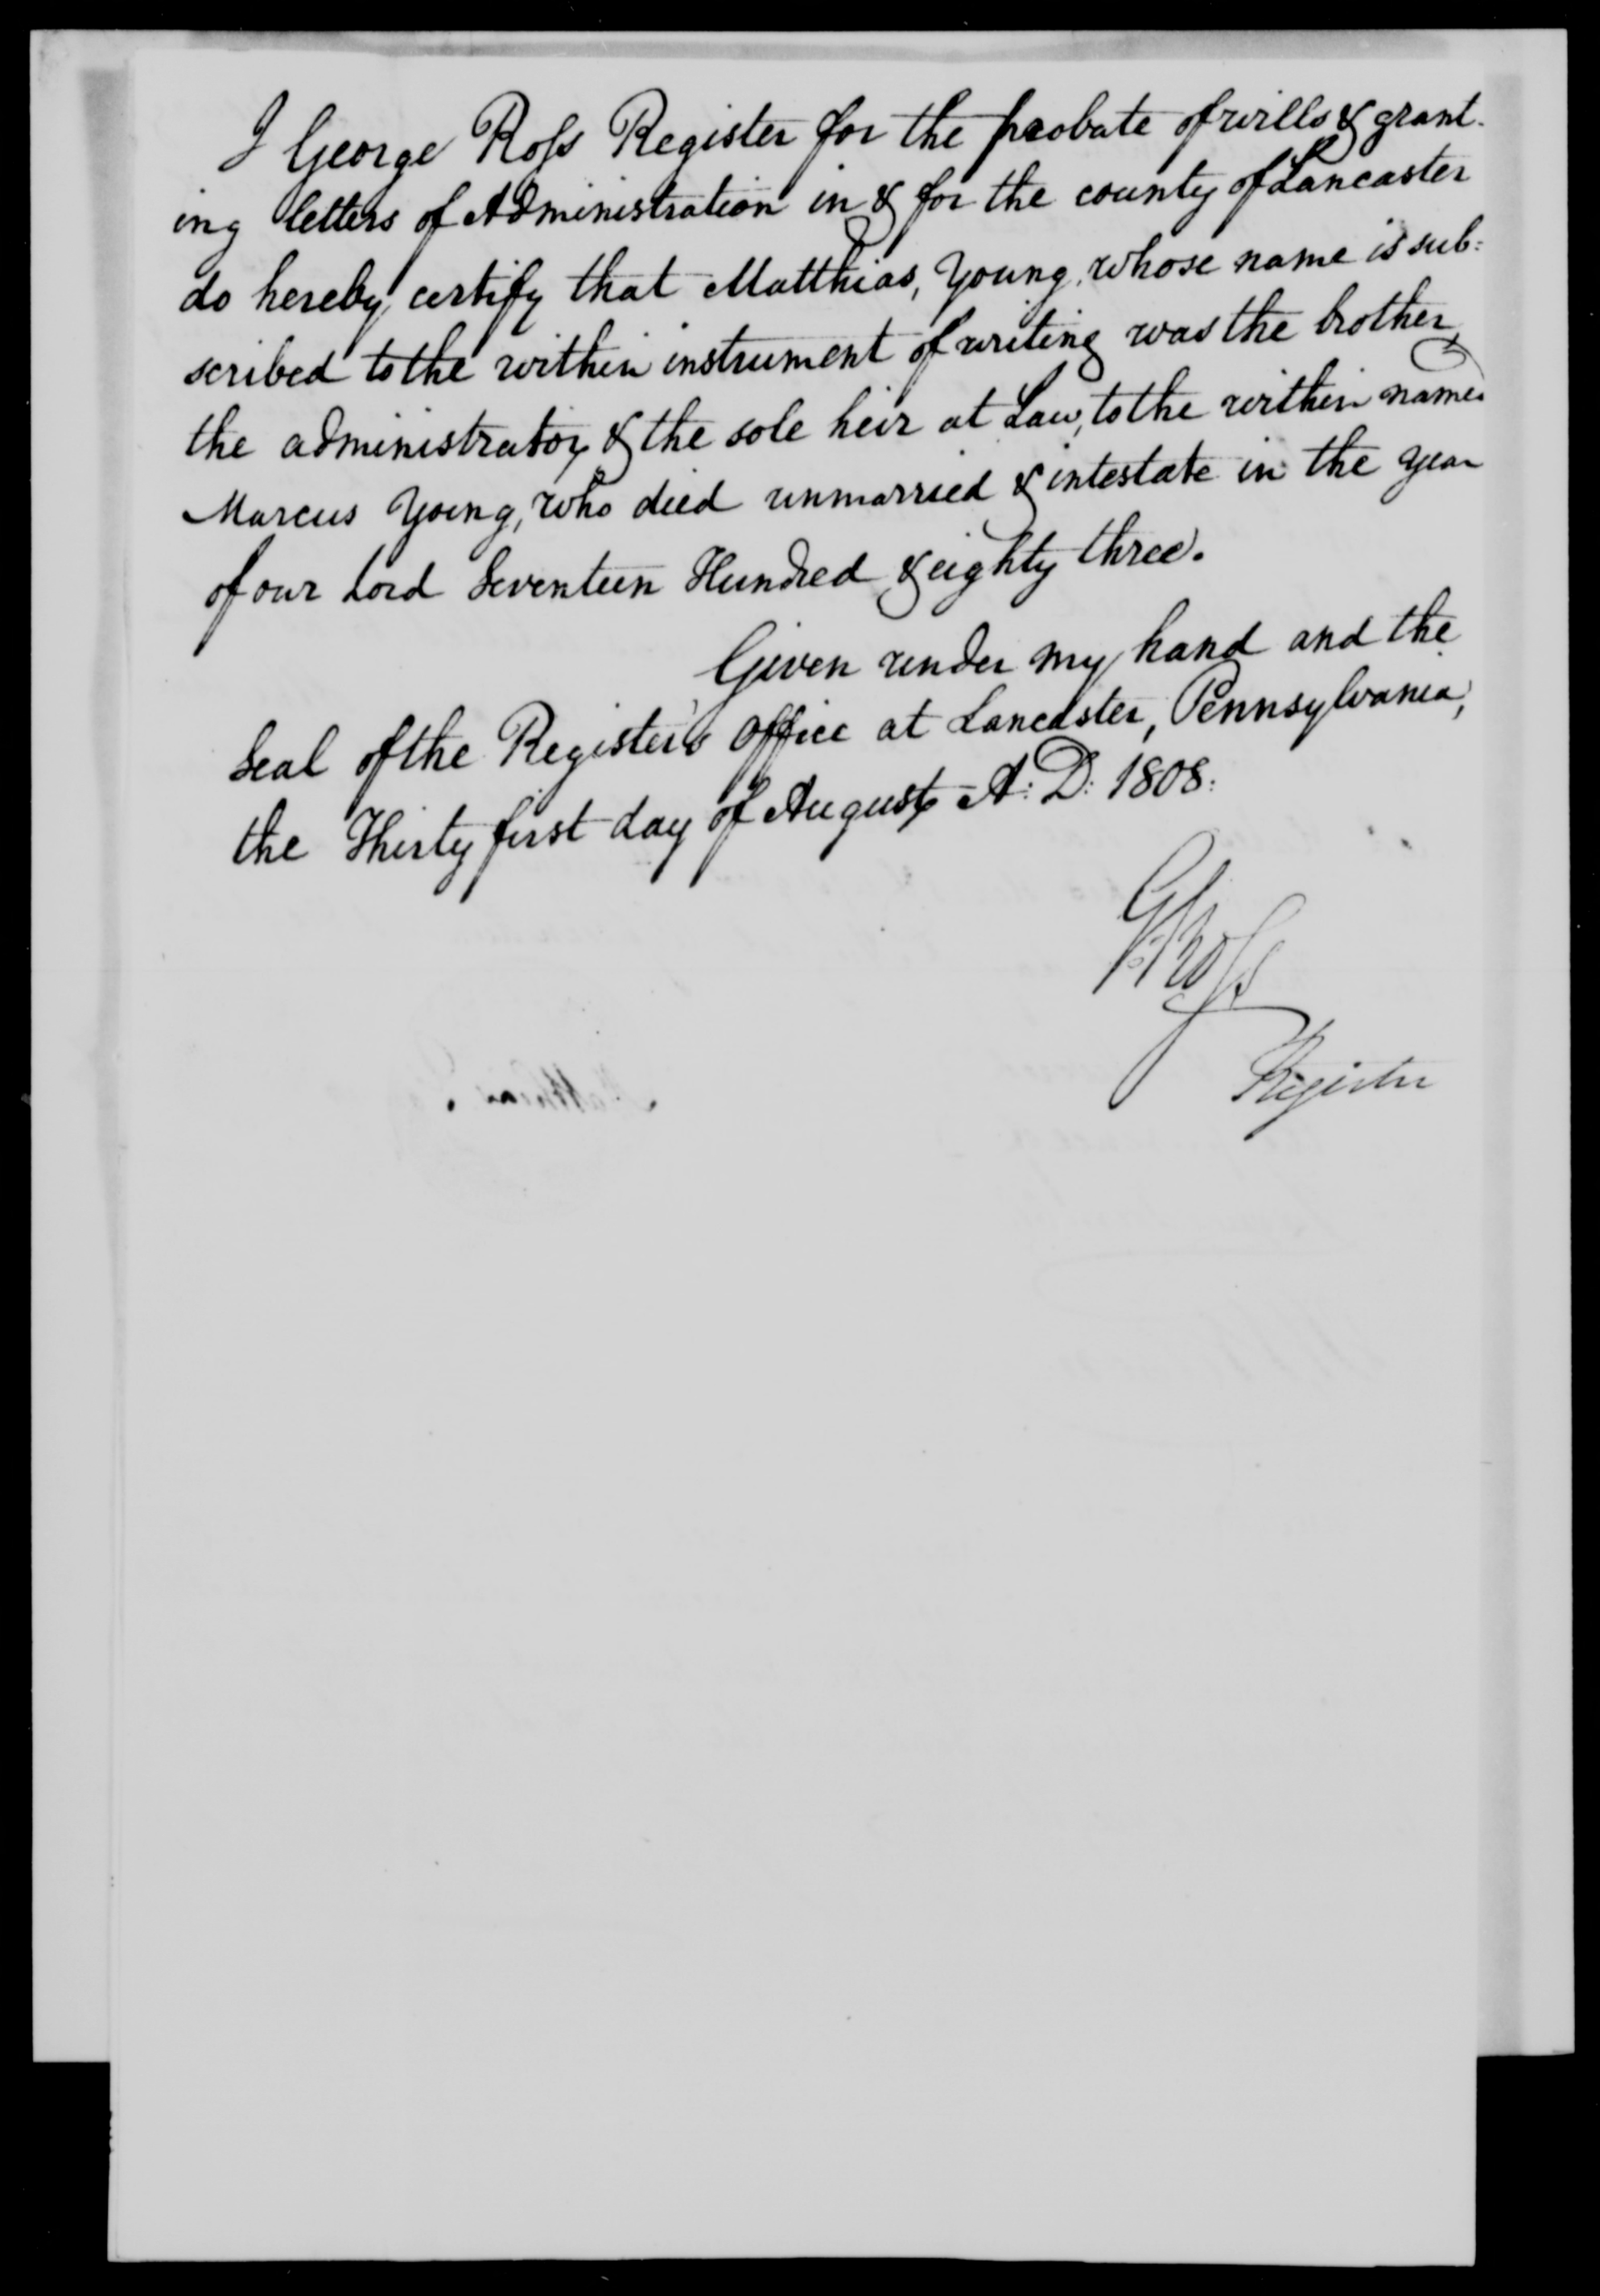I George Ross Register for the probate of wills & granting letters of Administration in & for the County of Lancaster do hereby certify that Matthias Young, whose name is subscribed to the within instrument of writing was the brother, the administrator & the sole heir at Law, to the within named Marcus Young, who died unmarried & intestate in the year of our Lord Seventeen Hundred & eighty three. Given under my hand and the Seal of the Registers Office at Lancaster, Pennsylvania, the Thirty first day of August A.D. 1808 
George Ross
Register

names: Marcus Young, Matthias Young, George Ross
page: 4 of 13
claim: bounty land warrant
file: B. L. Wt. 428-200, Marcus Young, Penn.